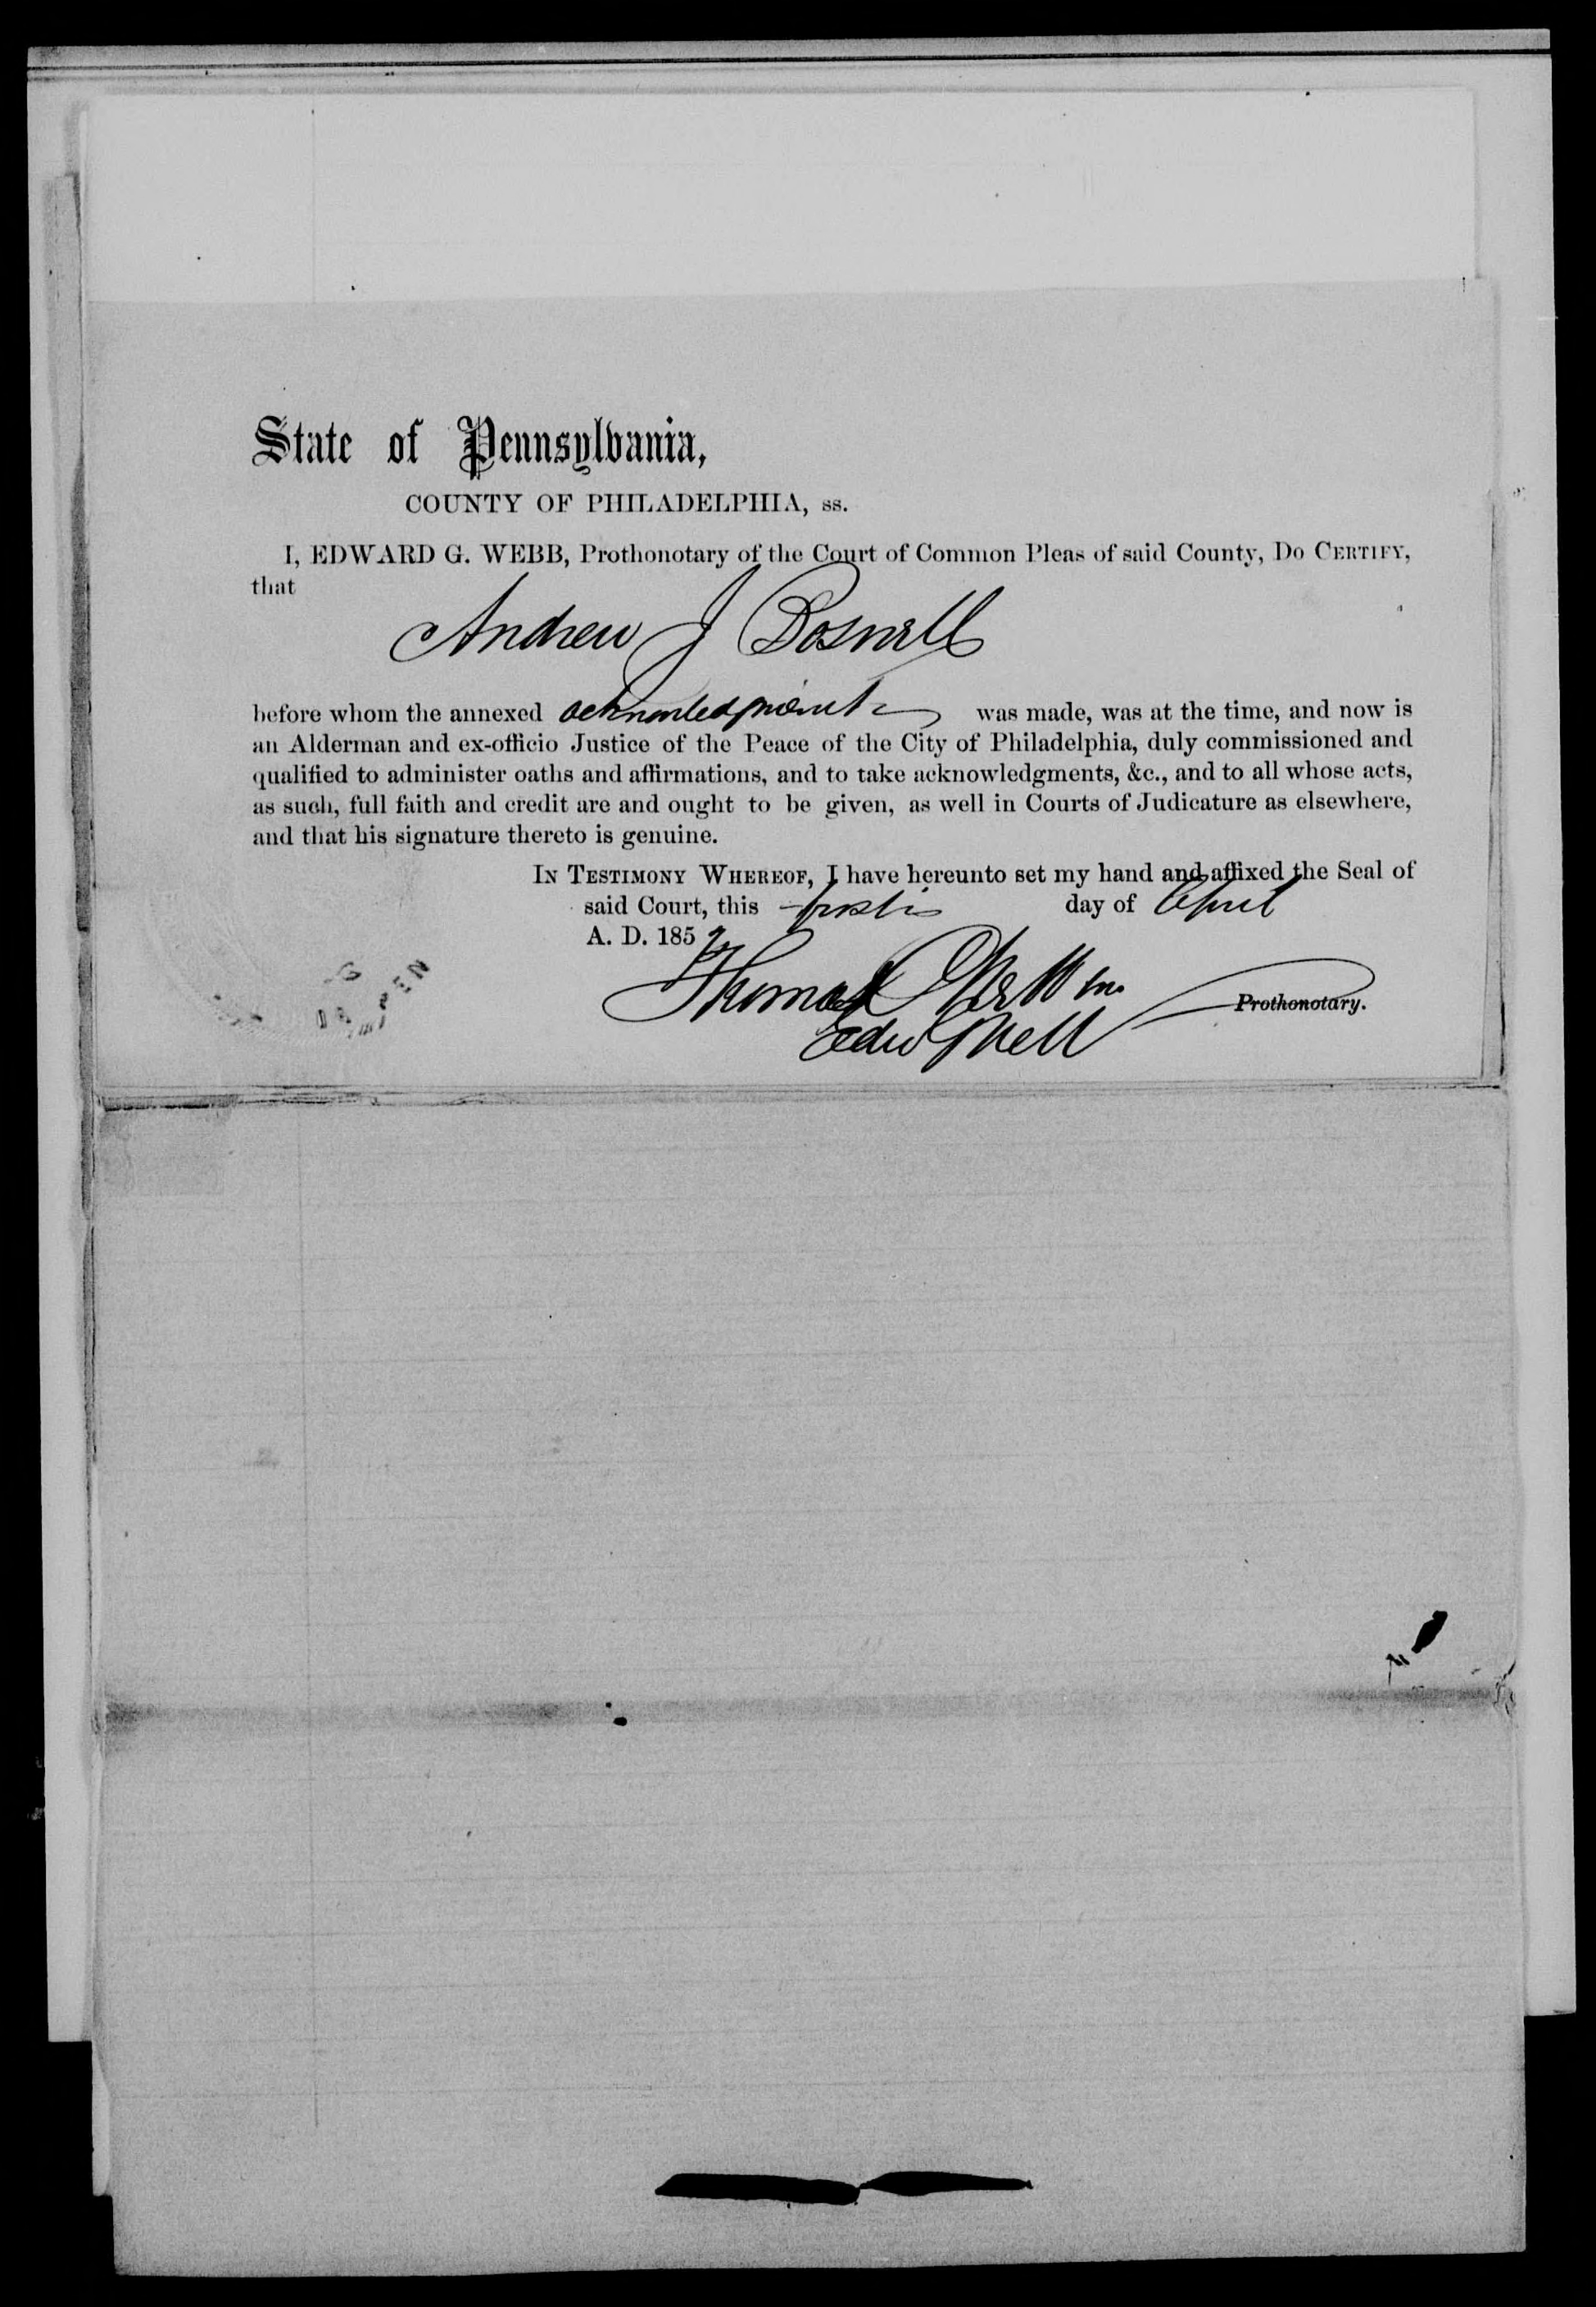State of Pennsylvania
County of Philadelphia, 88
I, Edward G. Webb Prothonotary of the Court of common Pleas of said County, Do Certify, that Andrew J Boswell before whom the annexed acknowledged points was made, was at the time, and now is an Alderman and ex-officio Justice of the Peace of the City of Philadelphia, duly commissioned and qualified to administer oaths and affirmations, and to take acknowledgements, etc, and to all whose acts, as such, full faith and credit are and ought to be give, as well in Courts of Judicature as elsewhere and that his signature thereto is genuine. 
In Testimony Whereof, I have hereunto set my hand and affixed the Seal of said Court, this first day of April A. D. 1857

Thomas G. Webb
Edw J Nell
Prothonotary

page: 25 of 25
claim: rejected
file: R. 10513, for Edward Thomas, New Jersey